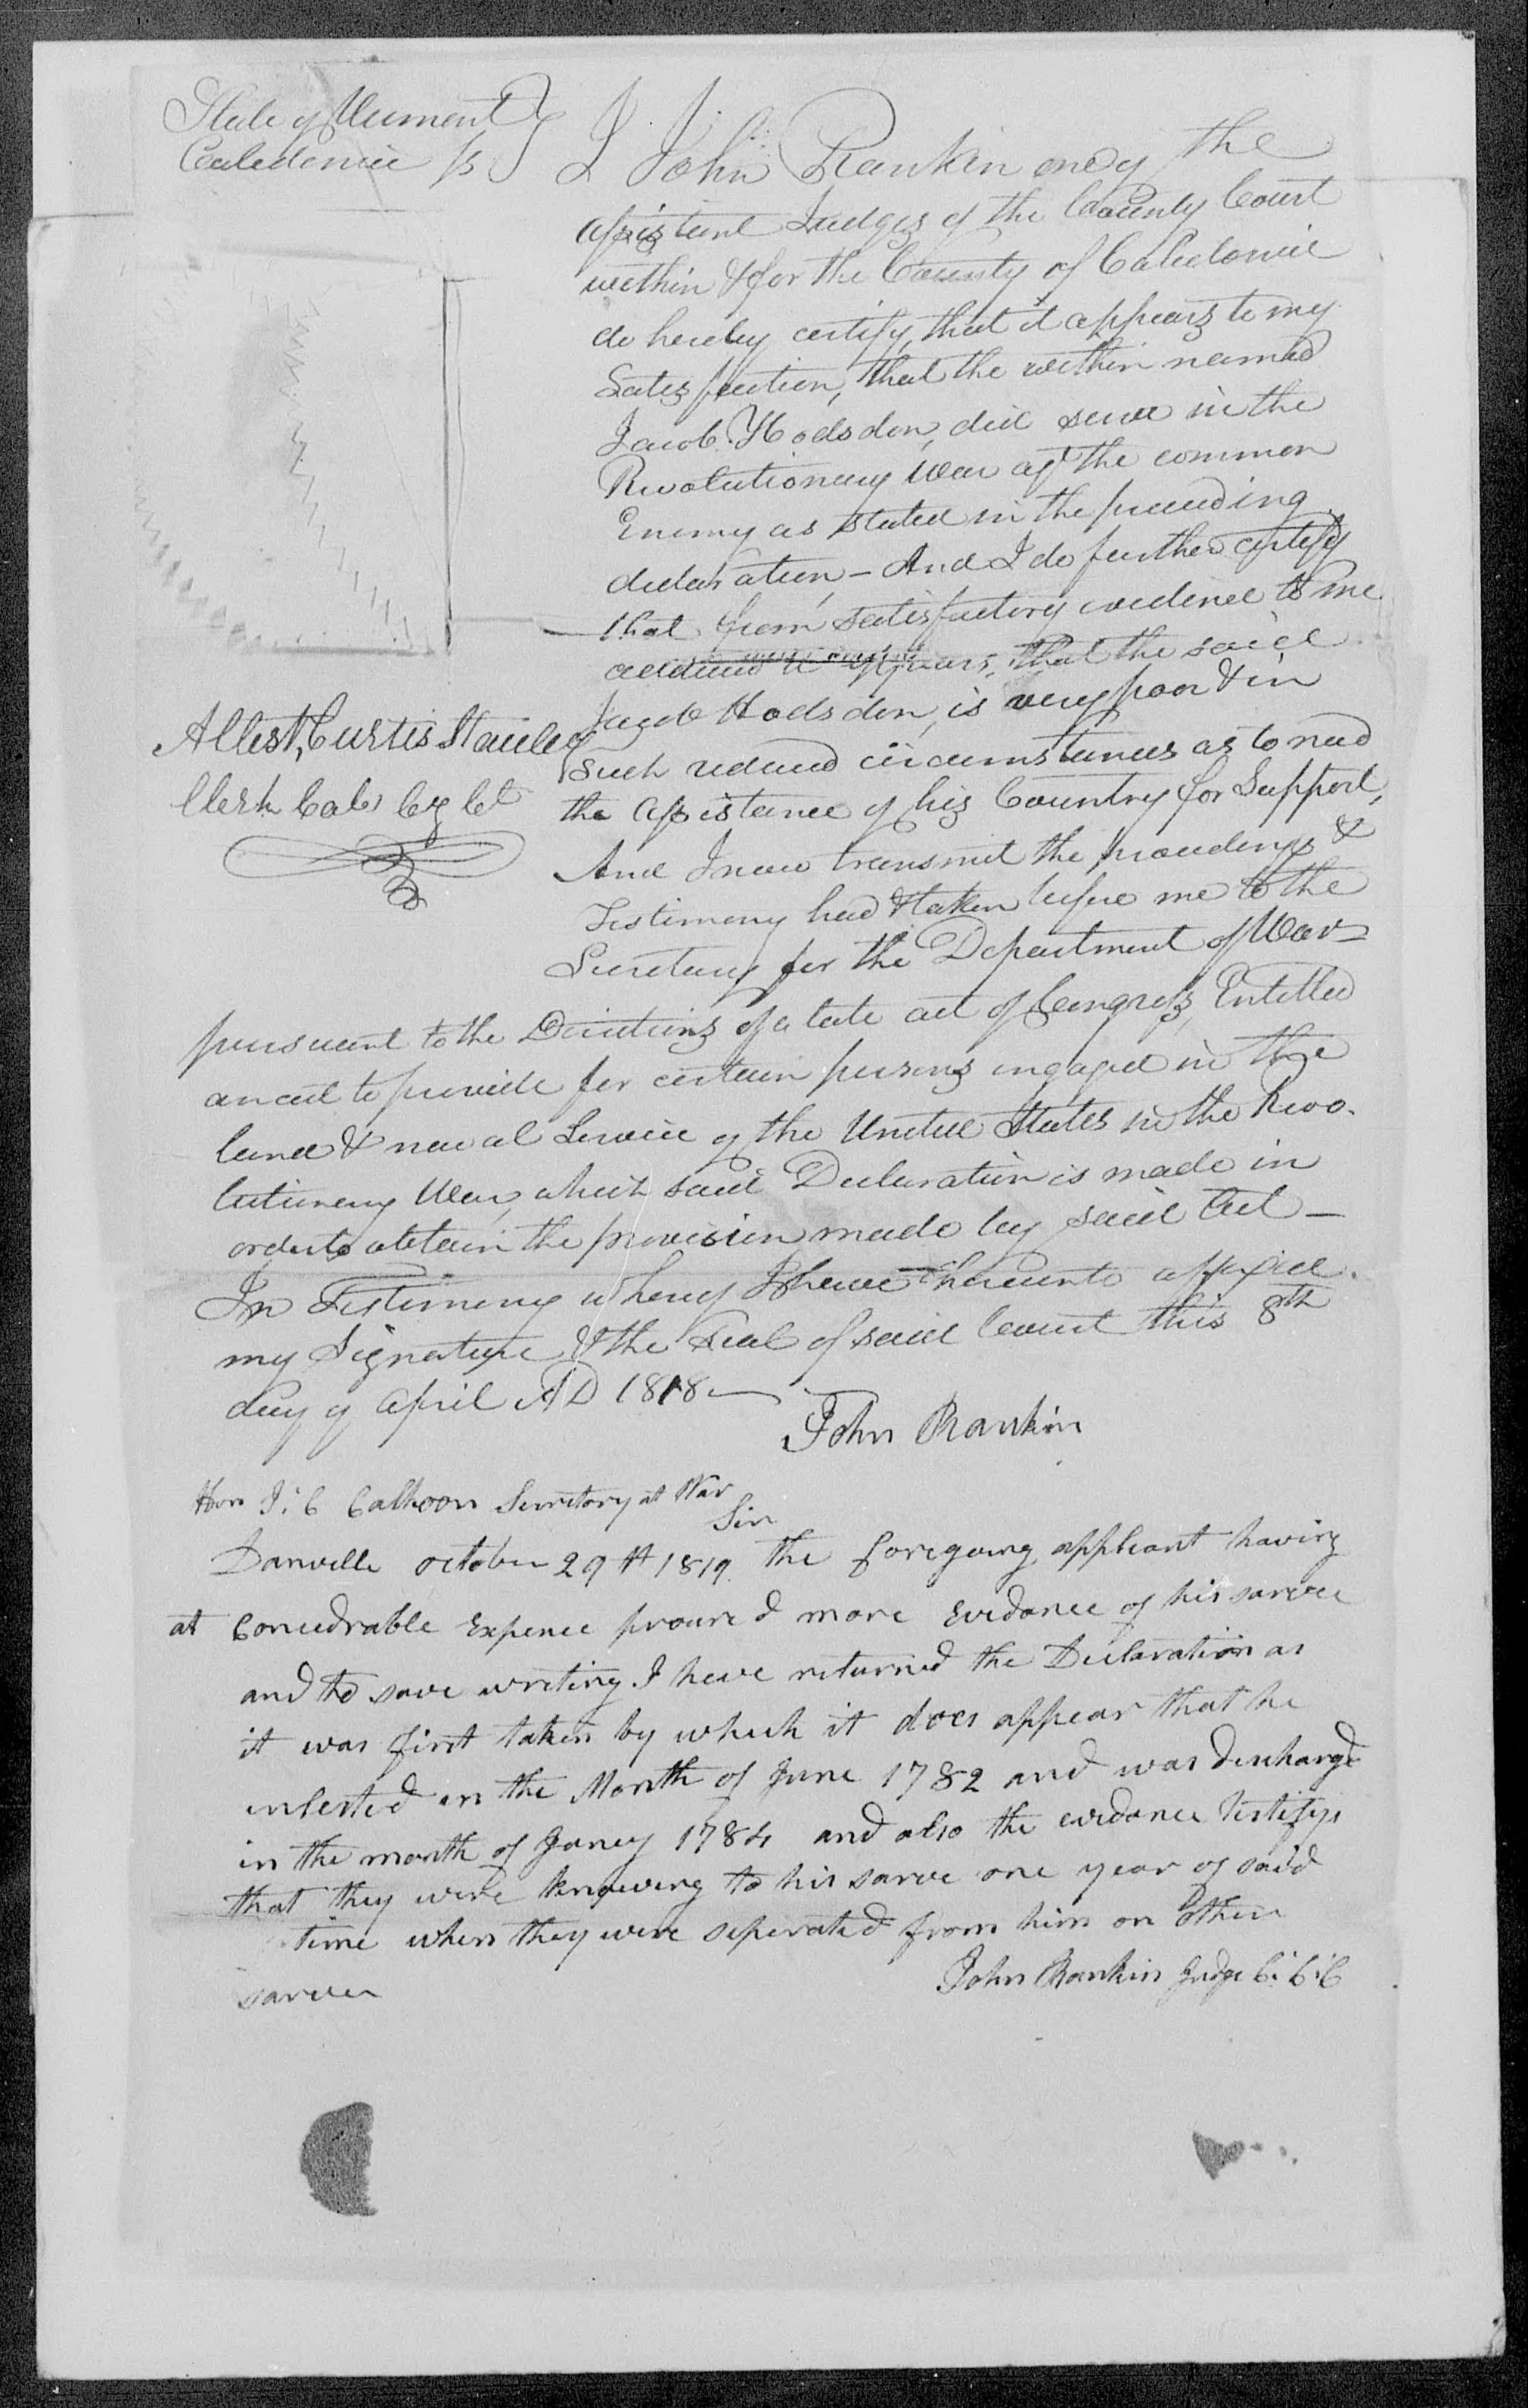State of Vermont
Caledonia  ss

I John Rankin one of the assistant Judges of the County Court within & for the County of Caledonia do hereby certify that it appears to my satisfaction, that the within named Jacob Hodsdon did served in the Revolutionary War of the common enemy as stated in the preceding declaration  - And I do further certify that from satisfactory evidence to me [text crossed out, difficult to read] Jacob Hodsdon is very poor & in such reduced circumstances as to need the assistance of his Country for Support, And I now transmit the proceedings & Testimony had taken before me to the Secretary for the Department of War pursuant to the directing of a tate ace of Congress& entitles (?) cut to provide for certain persons engaged in the land & naval service of the United States in the Revolutionary War about said Declaration is made in order to obtain the provision made by said Act - 

In Testimony whereof whence hereunto affixed my Signature & the Seal of said Court this 8th day of April AD 1818

Signature of John Rankin 

Hon J.D. Calhoon  Secretary at War
Sir
Danville  October 29th 1819 the foregoing applicant having at considerable expense (?) & more evidence of his service and to save writing. I have returned the Declaration as it was first taken by which it does appear that he enlisted on the Month of June 1782and was discharged in the month of Januy 1784 and also the evidence testifys that they were knowing to his service one year of said time when they were separated from him on other
Signature of John Rankin Judge C.C.C.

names: J C Calhoon, John Rankin, Jacob Hodsdon, John Rankin, John Rankin, Jacob Hodsdon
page: 13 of 22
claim: survivor's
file: S 44445, Jacob Hodsdon, Mass.